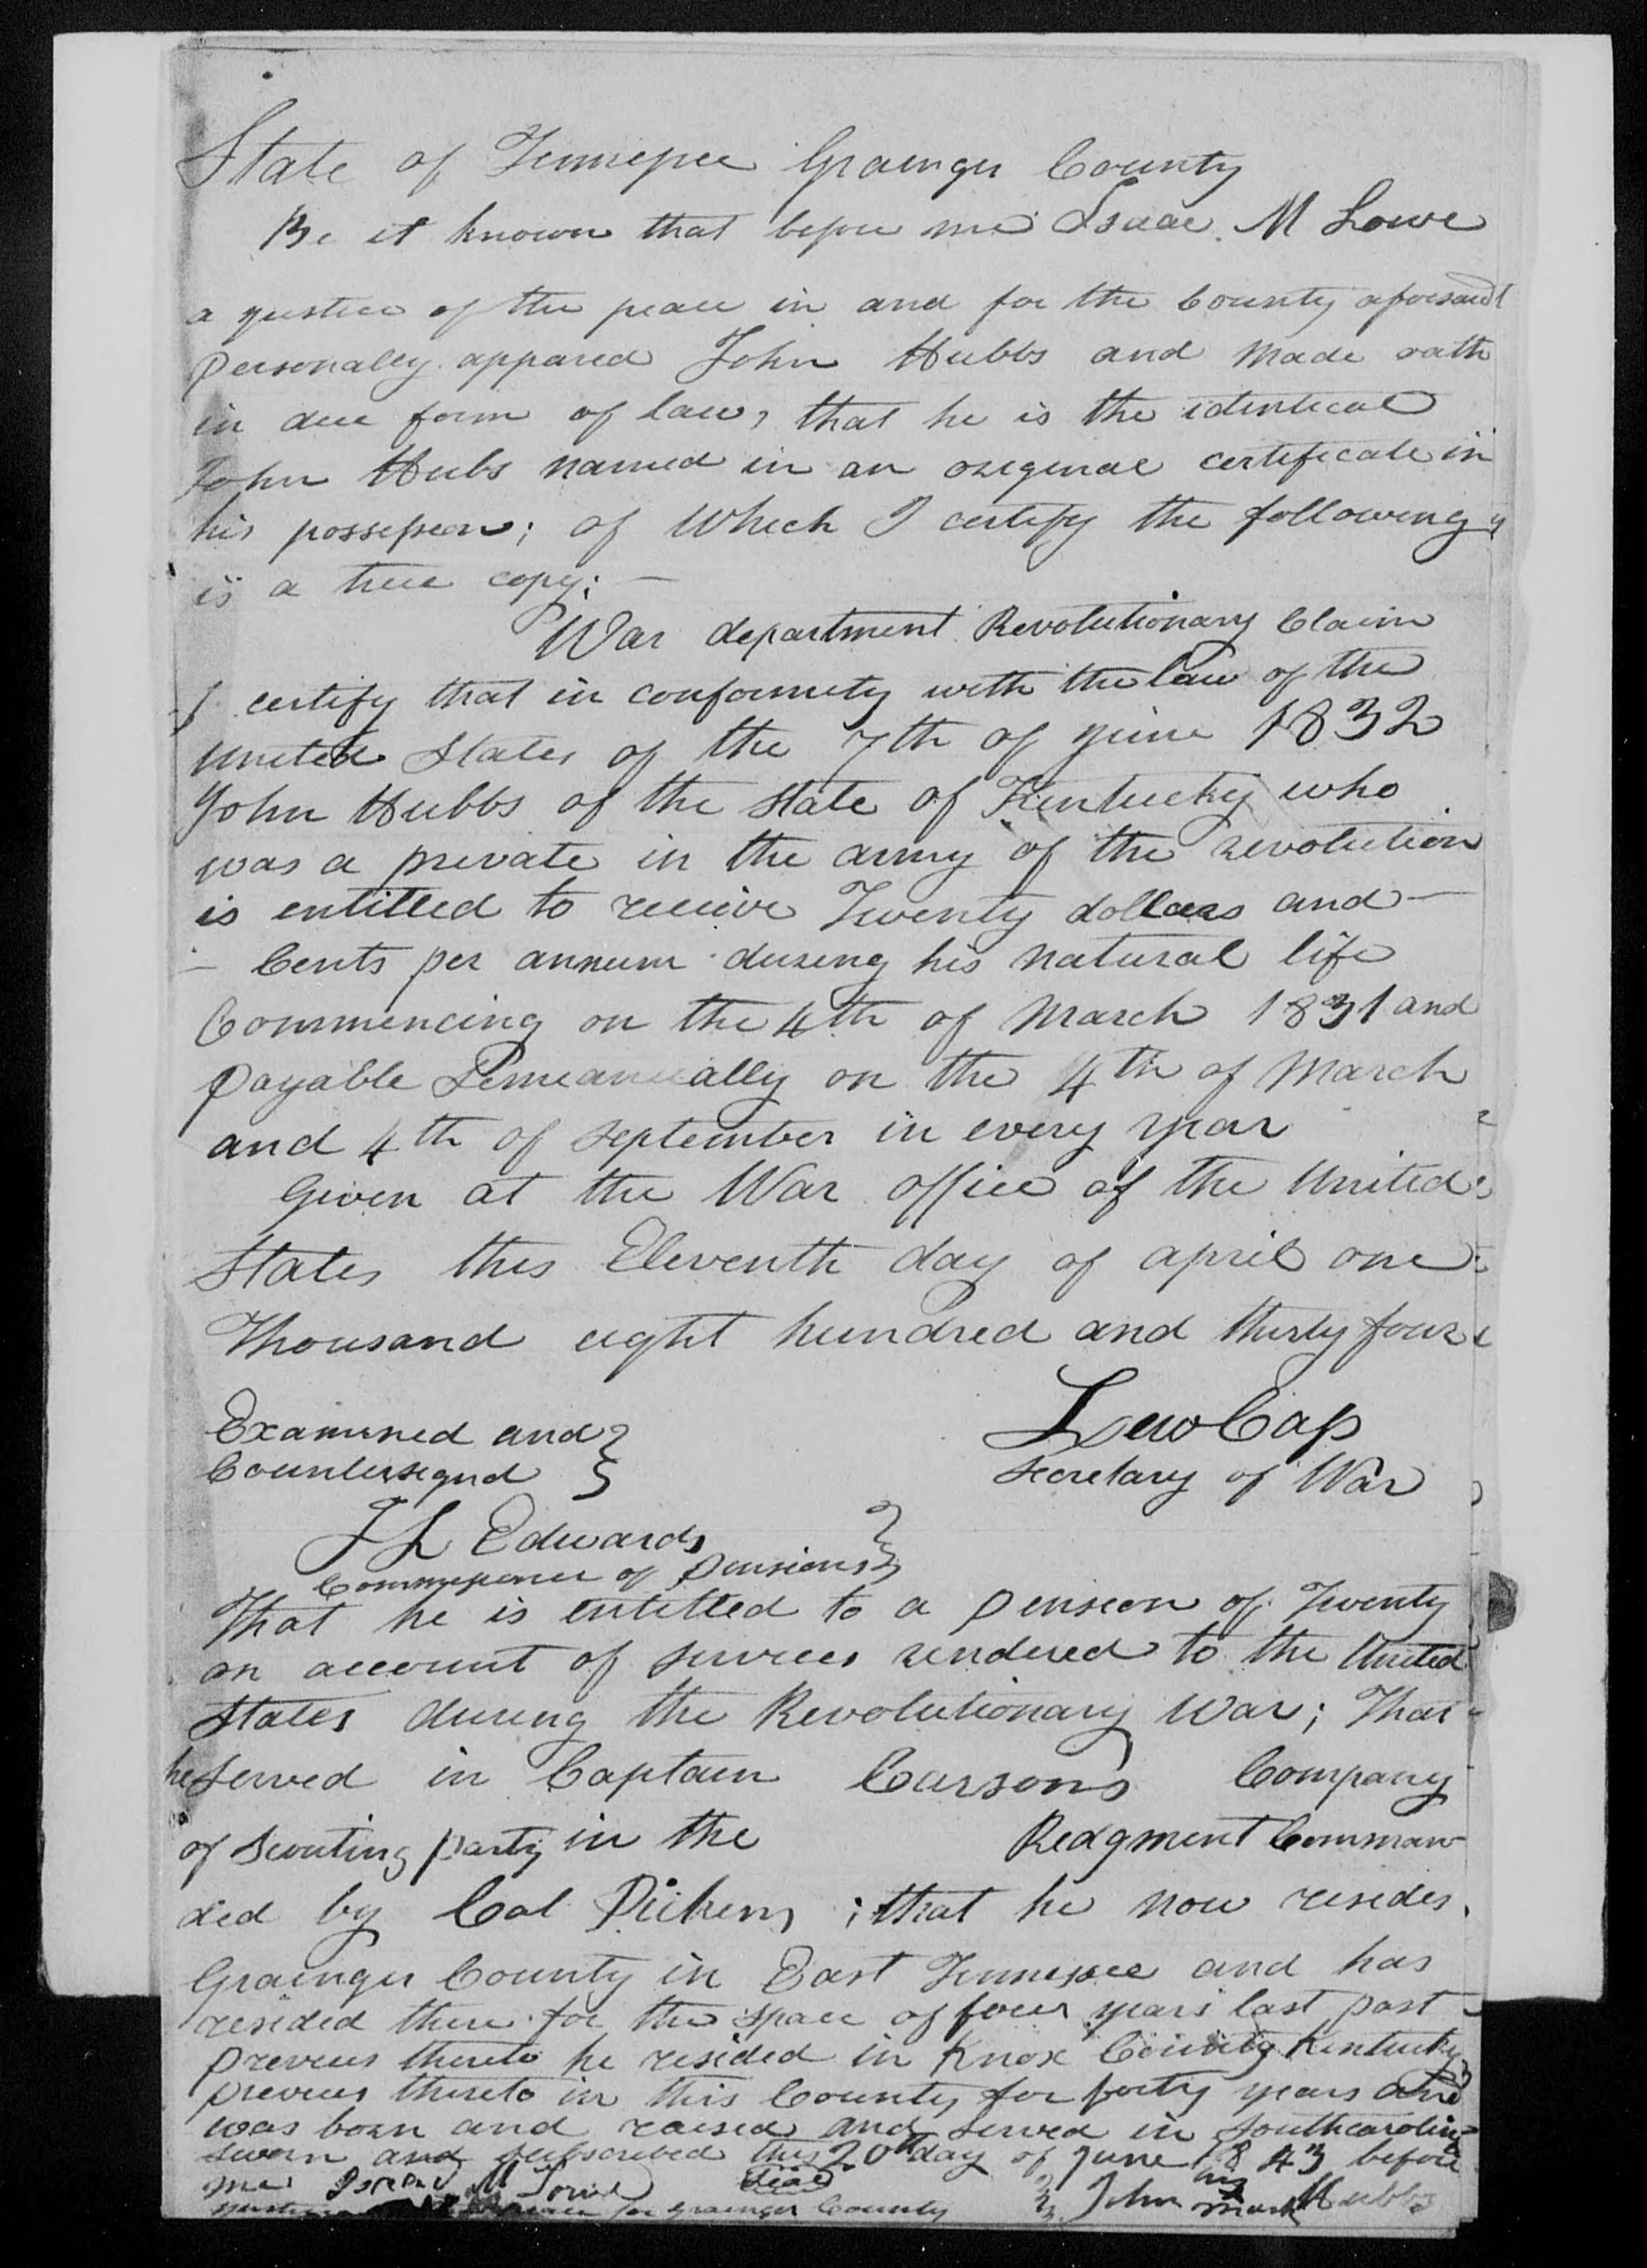State of Tennessee Grainger County
Be it known that before me Isaac M Lorde a Justice of the Peace in and for the County aforesaid personally appeared John Hubbs and made within due form of Law, that he is the identical John Hubs named in and original certificate in his possession; of which I certify the following is a true copy: 
War Department Revolutionary Claim I certify that in conformity with the law of the United States, of the 7th of June 1832 John Hubbs of the State of Kentucky who was a private in the army of the Revolution is entitled to receive Twenty dollars and --- Cents per annum during his natural life Commencing on the 4th of March 1831 and payable semi anually on the 4th of March and 4th of September in every year
Given at the War Office of the United States this Eleventh day of April one thousand eight hundred and thirty four
  Lew Cap
Secretary of War

Examined and 
Countersigned 
J.L. Edwards
Commissioner of Pensions
That he is entitled to a Pension of Twenty on account of services rendered to the United States during the Revolutionary War; That he served in Captain Carsons Company of Scouting party in the ___Redgment Commanded by Col Pickens; that he now resides in Grainger County in East Tennessee and has resided there for the space of four years last post previous thereto he resided in Knox County Kentucky previous thereto in this County for forty years and was born and raised and Served in South Carolina sworn and subscribed this 20th day of June 1843 before me. Isaac M. Lorde (Seal)Justice of the Peace for Grainger County
His mark - John Hubbs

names: J L Edwards, Piskin, John Hubbs, Isaac M Lorde, Lew Cass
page: 75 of 86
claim: widow's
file: W. 1035, John Hubbs, S.C.